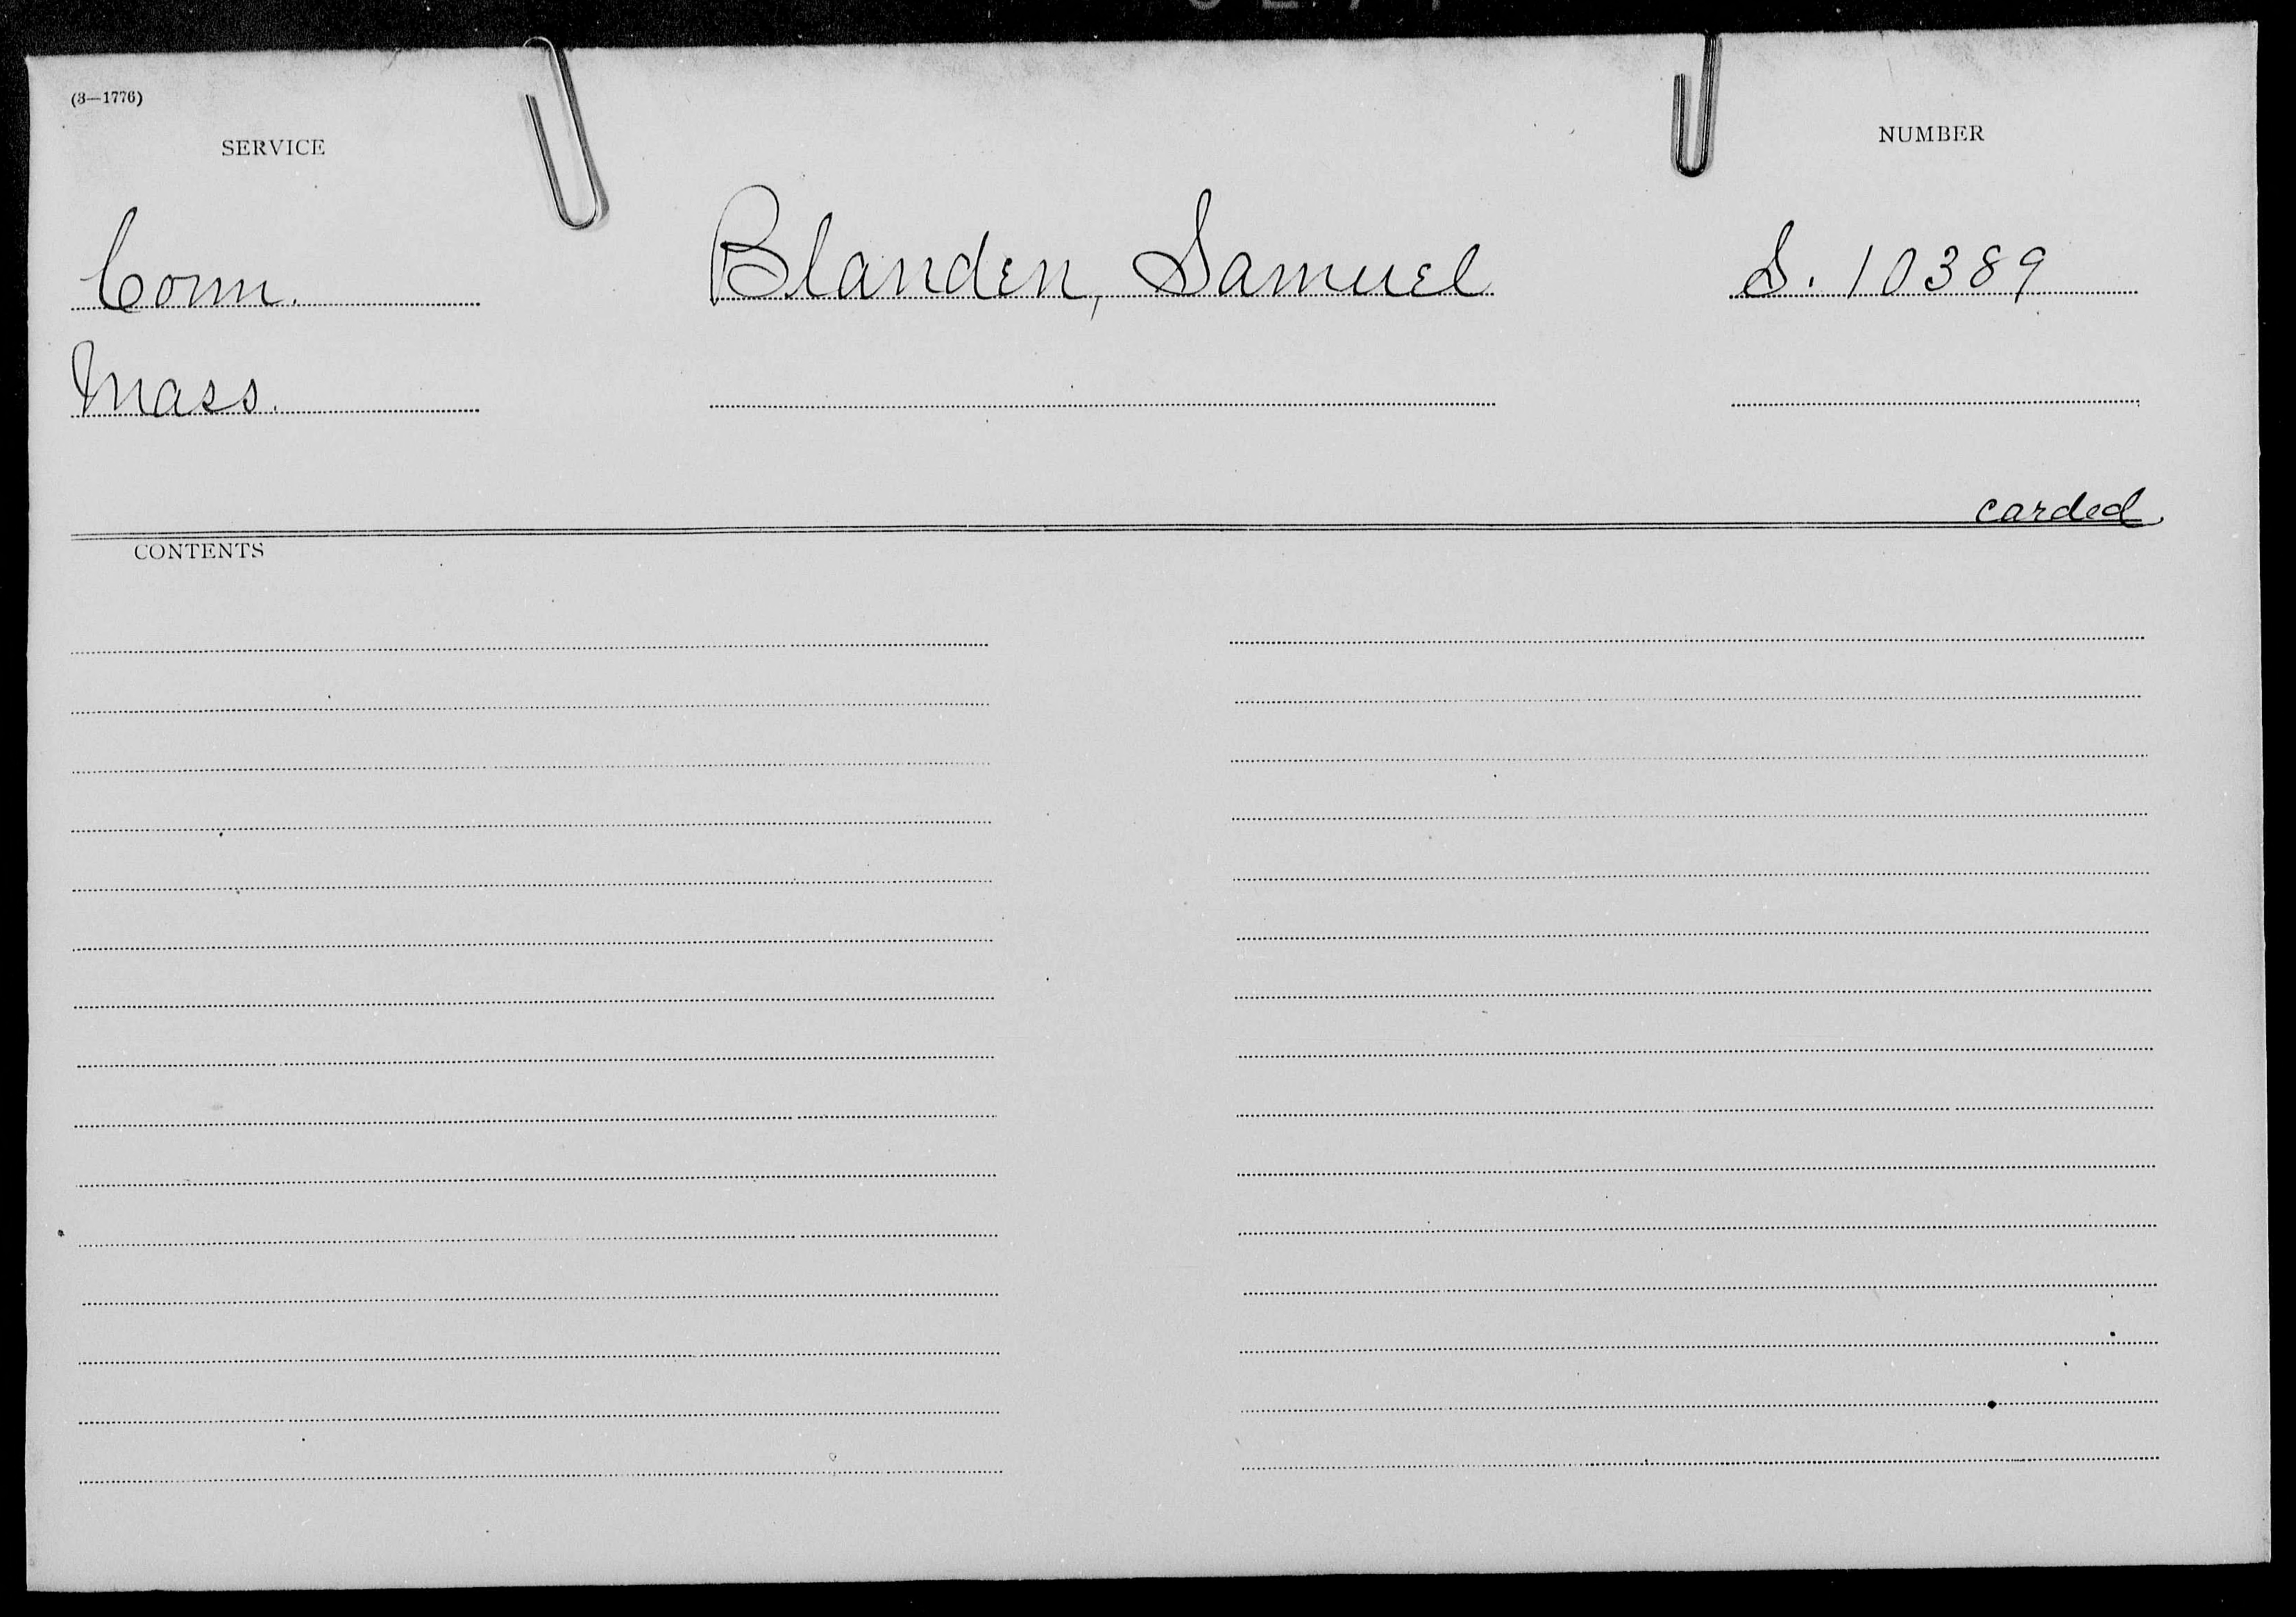SERVICE                                      NUMBER
Conn.       Blander, Samuel         S. 10389
Mass.                                          carded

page: 1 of 14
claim: survivor's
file: S. 10389, Samuel Blanden, Conn. Mass